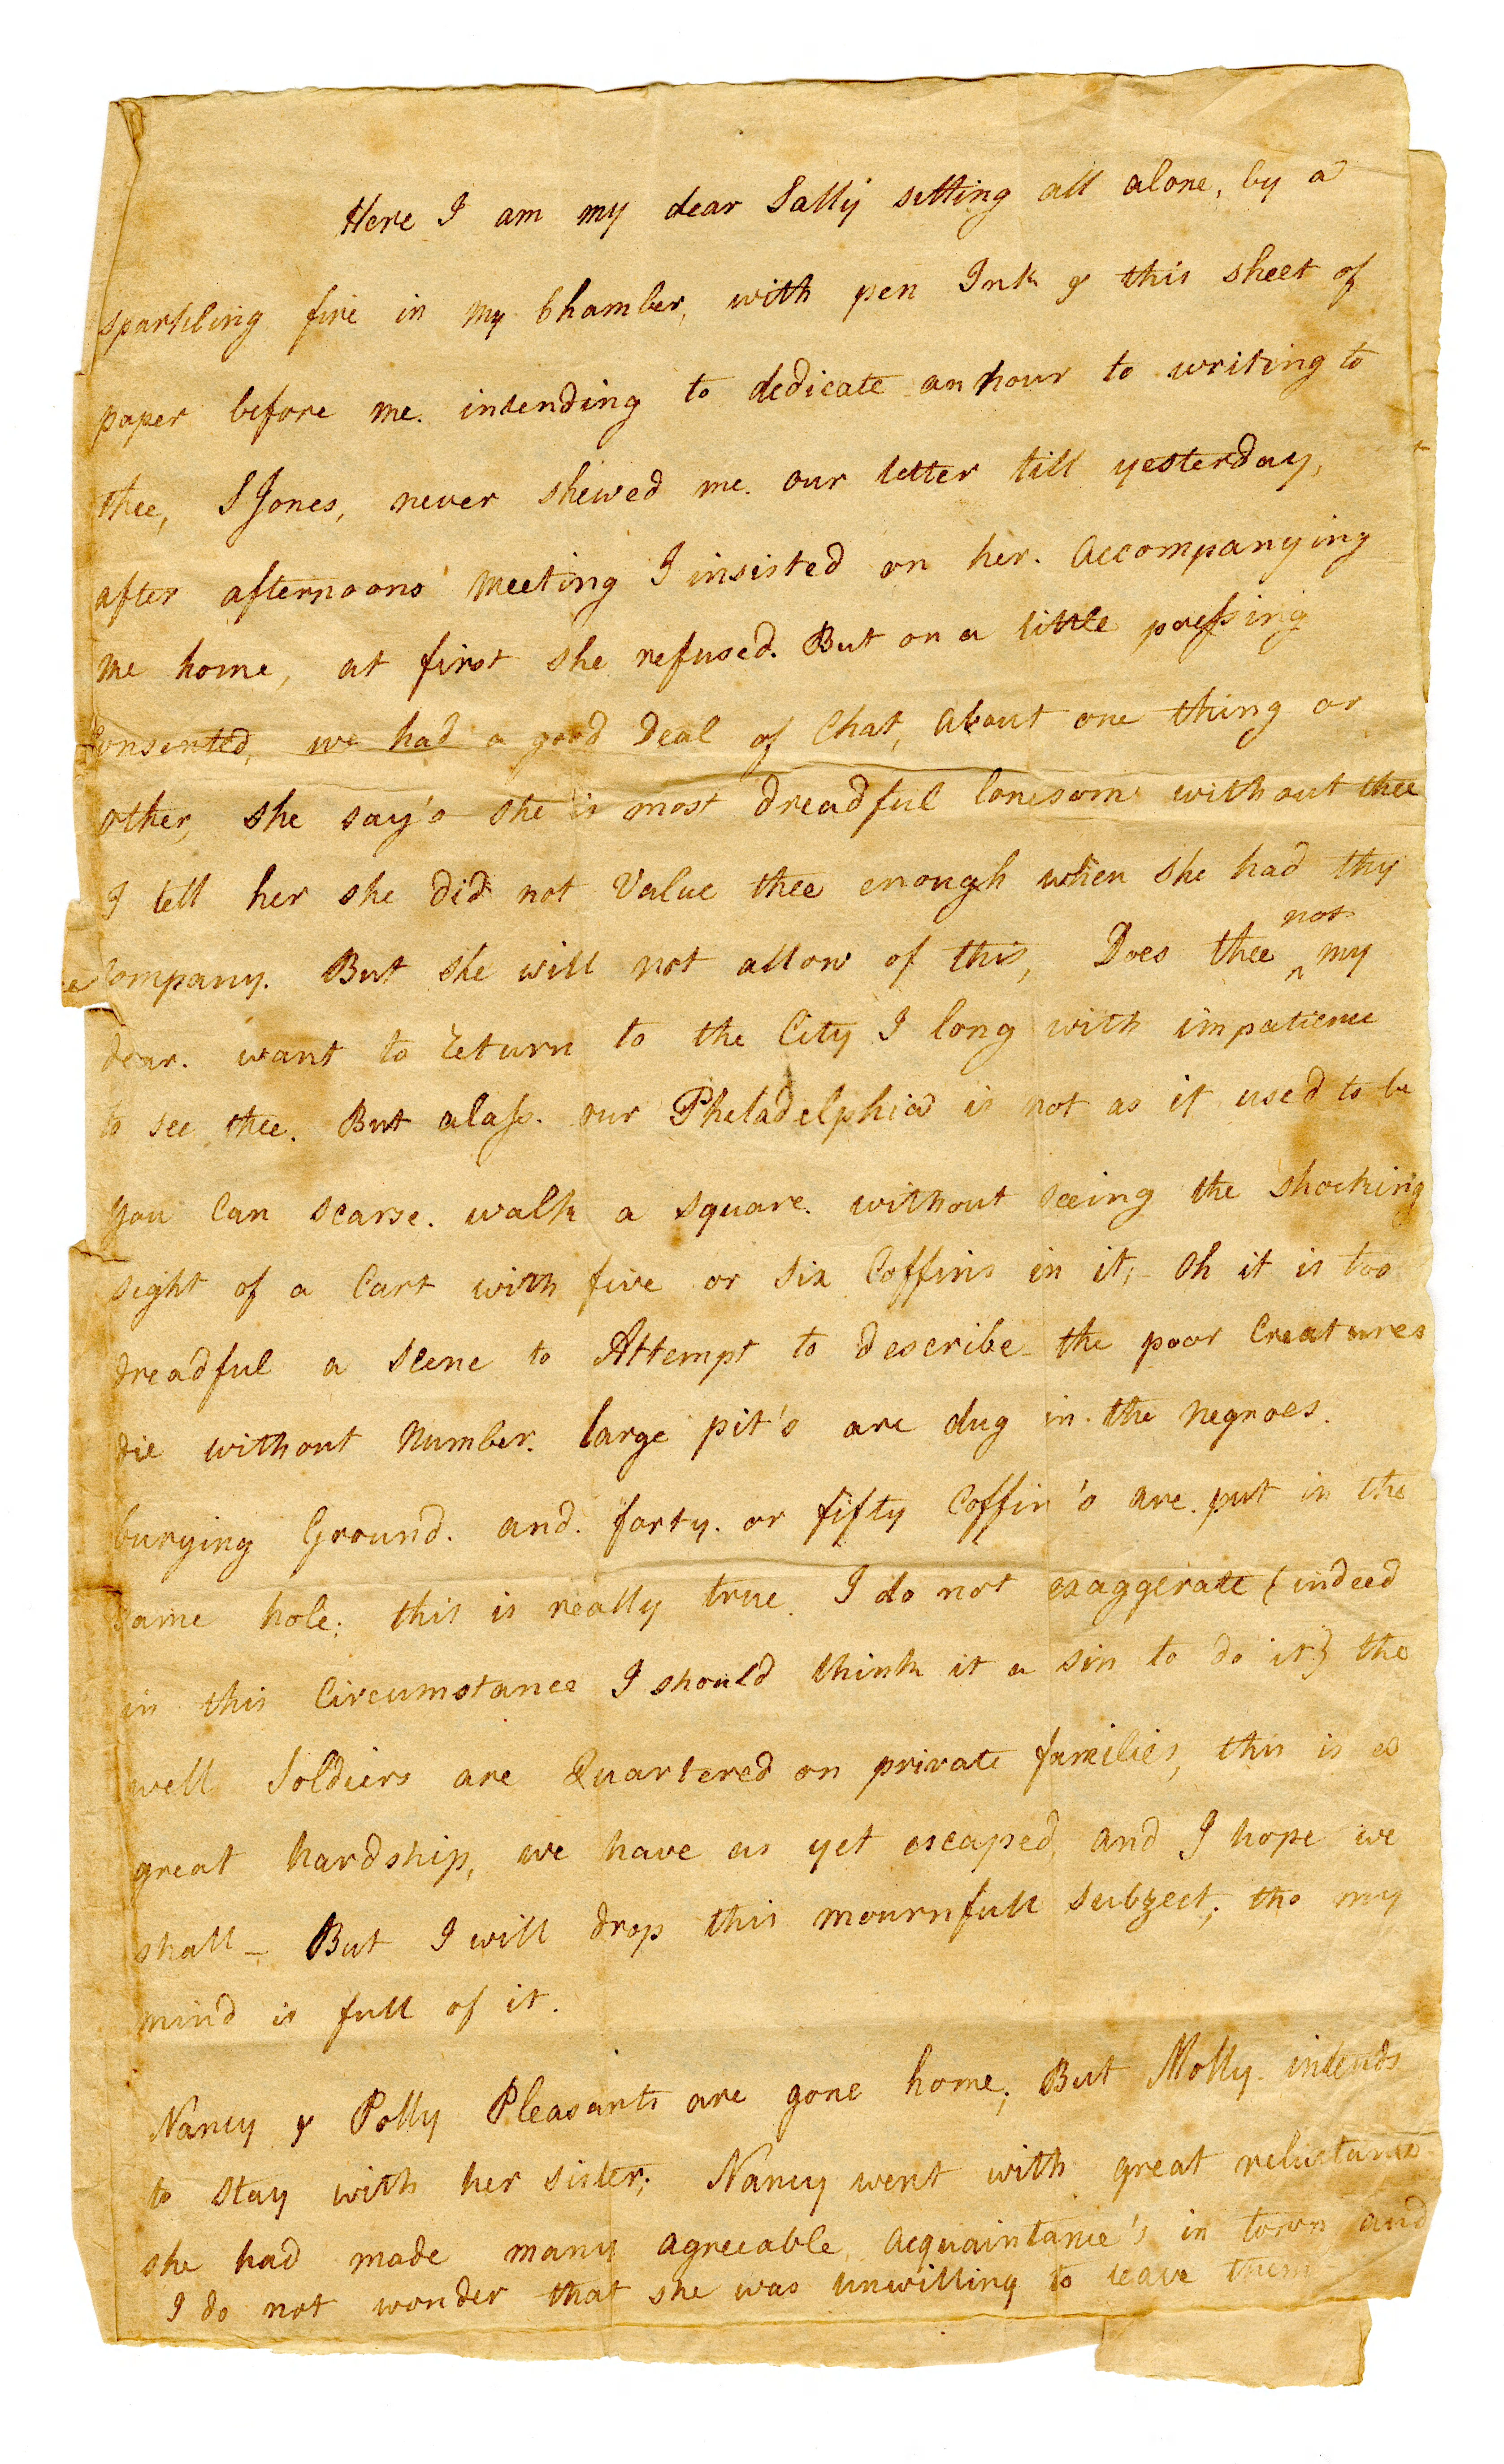Here I am my dear Sally sitting all alone, by a
sparkling fire in my chamber with pen Ink & this sheet of
paper before me intending to dedicate an hour to writing to
thee, S Jones, never shewed me our letter till yesterday,
after afternoons' meeting, I insisted on her accompanying
me home, at first she refused. But on a little pressing
Consented, we had a good deal of Chat about one thing or
other she say's she is most dreadful lonesome with out thee
I tell her she did not value thee enough when she had thy
not
Company. But she will not allow of this, Does thee ^ my
dear want to return to the City I long with impatience
to see thee. But alas our Philadelphia is not as it used to be
you can scarse. walk a square without seeing the shocking
sight of a cart with five or six Coffins on it, oh it is too
dreadful a scene to Attempt to describe the poor creatures
die without number. large pit's are dug in the negroes
burying Ground. and. forty or fifty coffin's are put in the
same hole; this is really true I do not exaggerate (indeed
in this circumstance I should think it a sin to do it) tho
well Soldiers are quartered on private families, this is a
great hardship, we have as yet escaped and I hope we
shall- But I will drop this mournful subject, tho my
mind is full of it.
Nancy & Polly Pleasants are gone home. But Molly intends
to stay with her sister; Nancy went with great reluctance
she had made many agreeable acquaintance's in town and
I do not wonder that she was unwilling to leave them